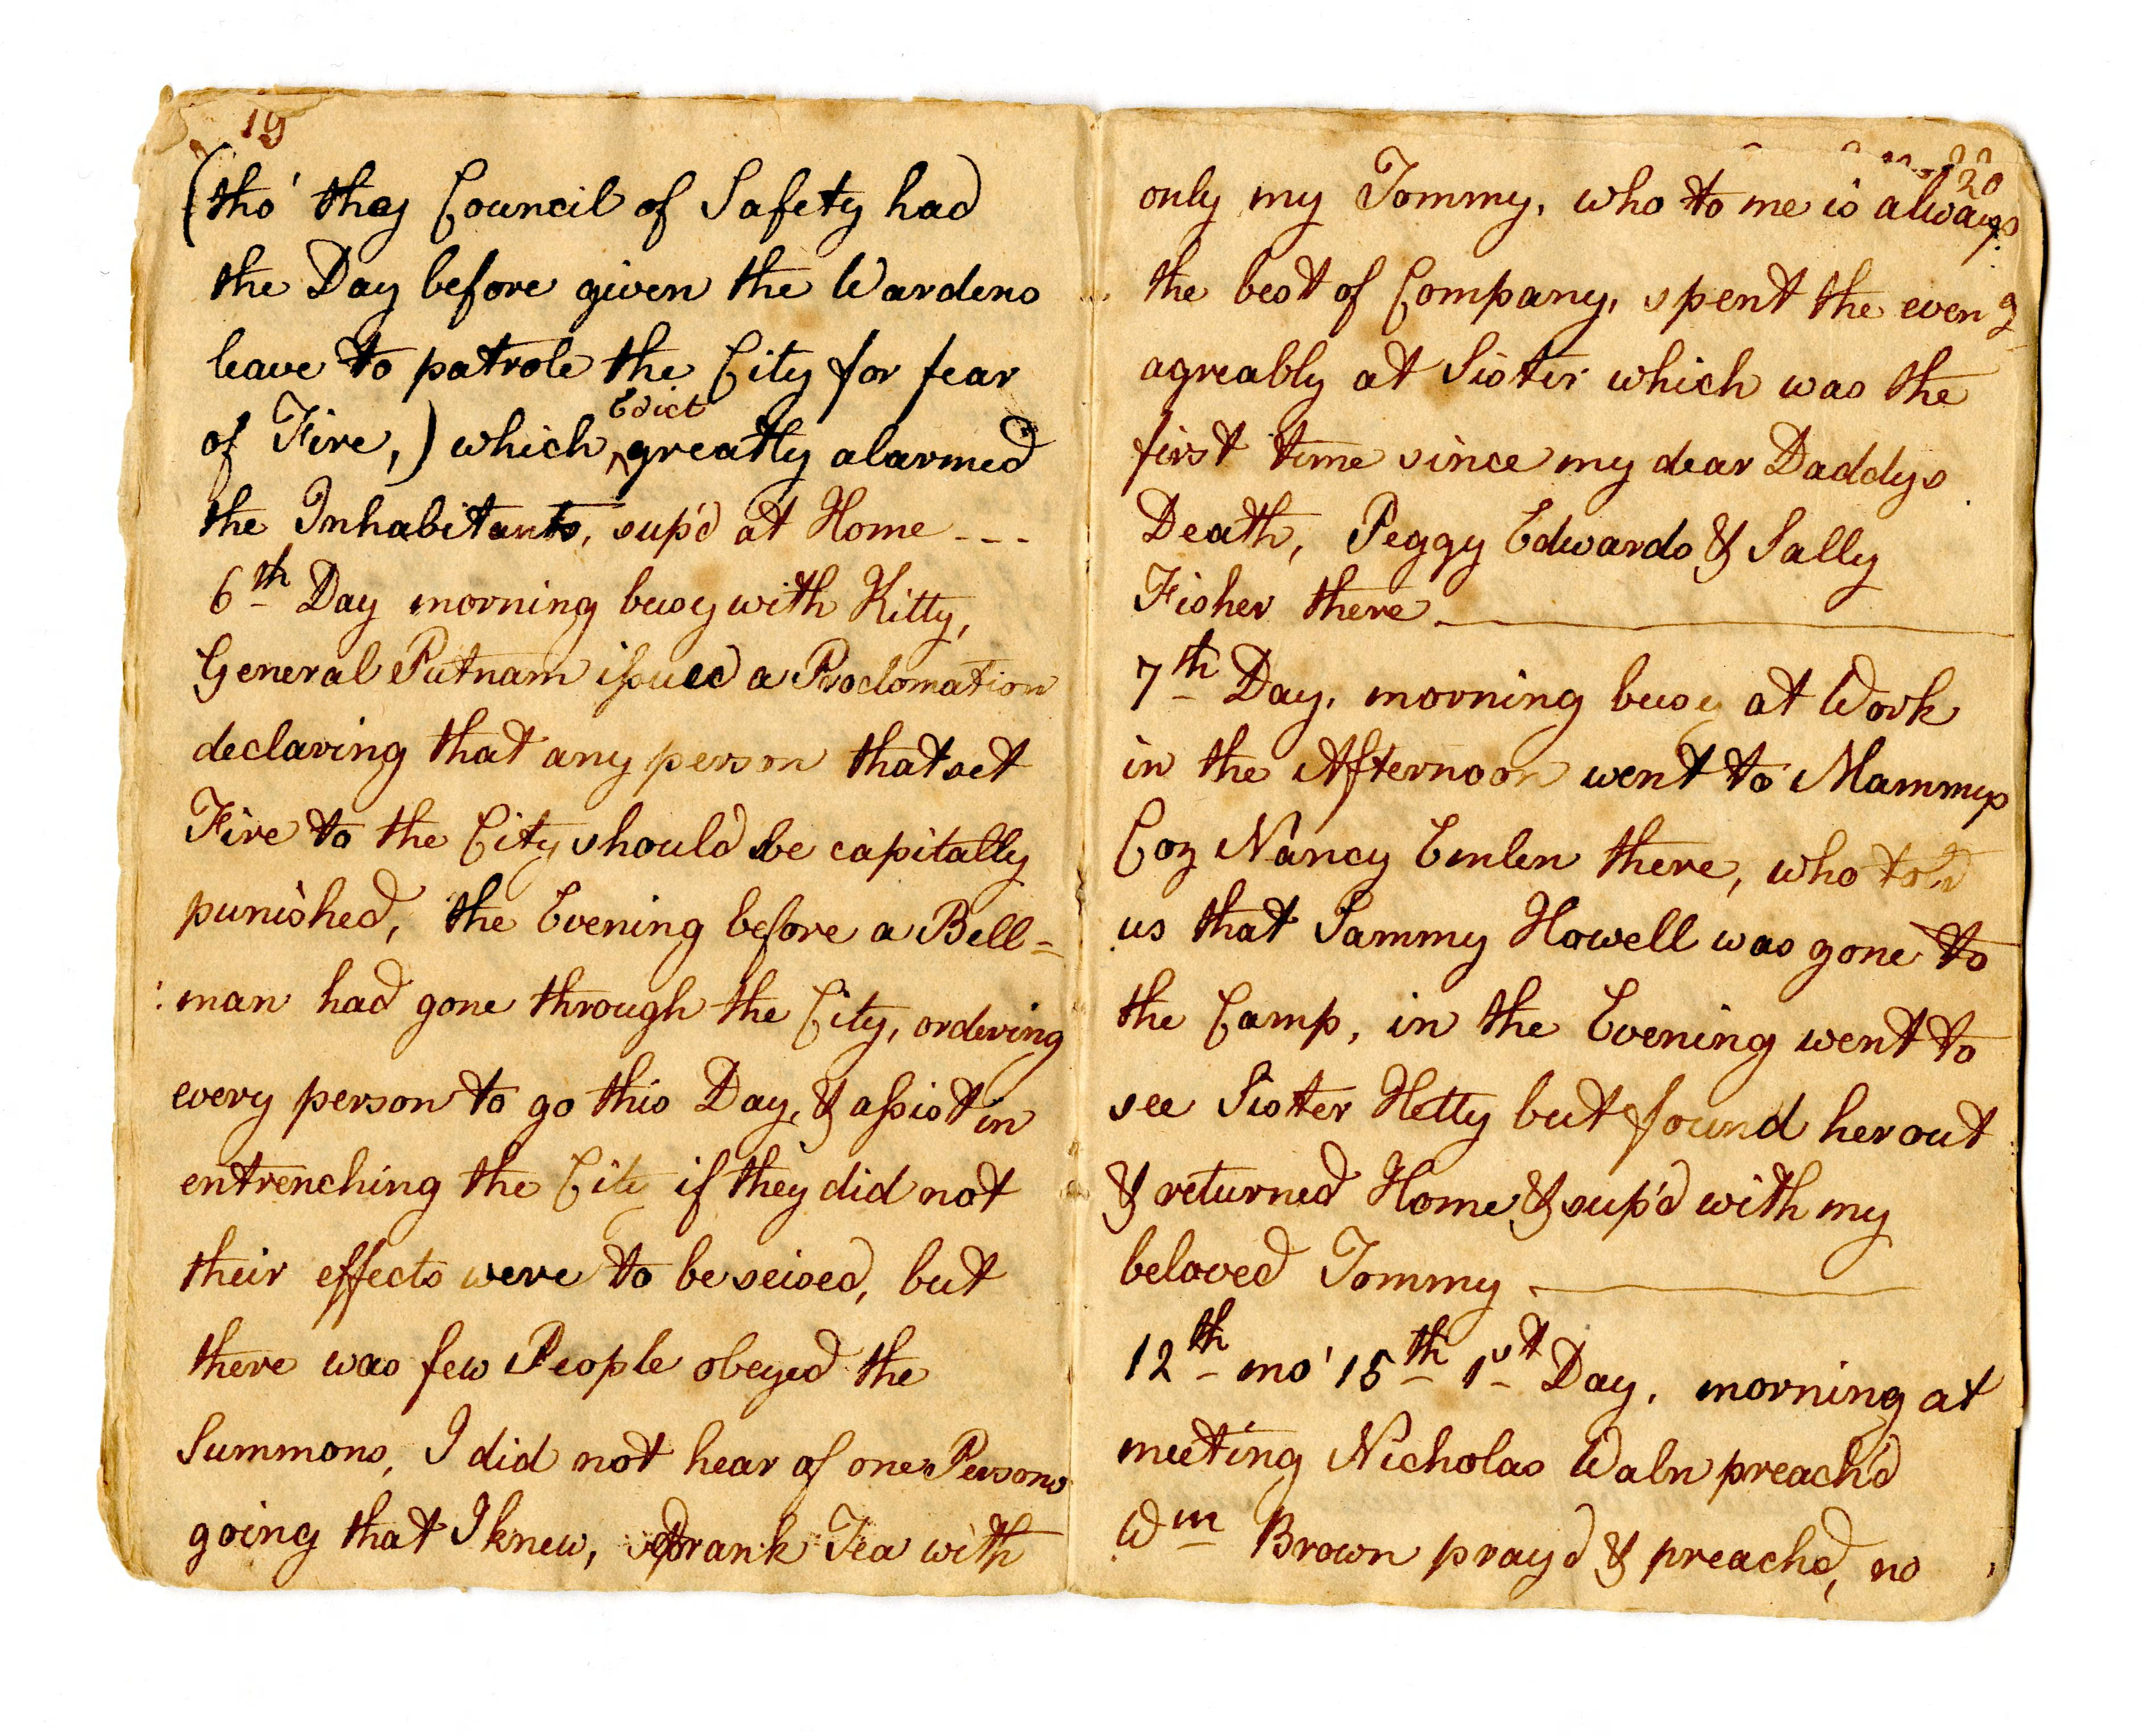19
(tho' thy Council of Safety had
the Day before given the Wardens
leave to patrole the City for fear
Edict
of Fire,) which ^ greatly alarmed
the Inhabitants, sup'd at Home -
6^th Day morning busy with Kitty,
General Putnam issued a Proclomation
declaring that any person that set
Fire to the City should be capitally
punished, the Evening before a Bell-
-man had gone through the City, ordering
ever person to go this Day, & assist in
entrenching the City if they did not
their effects were to be seised, but
there was few People obeyed the
Summons, I did not hear of one Persons
going that I knew, drank Tea with
20
only my Tommy, who to me is always
the best of Company, spent the even^g
agreably at Sister which was the
first time since my dear Daddys
Death, Peggy Edwards & Sally
Fisher there-
7^th Day, morning busy at Work
in the Afternoon went to Mammys
Coz Nancy Emlen there, who told
us that Sammy Howell was gone to
the Camp, in the Evening went to
see Sister Hetty but found her out
& returned Home & sup'd with my
beloved Tommy-
12^th Mo' 15^th Day, morning at
meeting Nicholas Waln preach'd
W^m Brown prayd & preachd, no